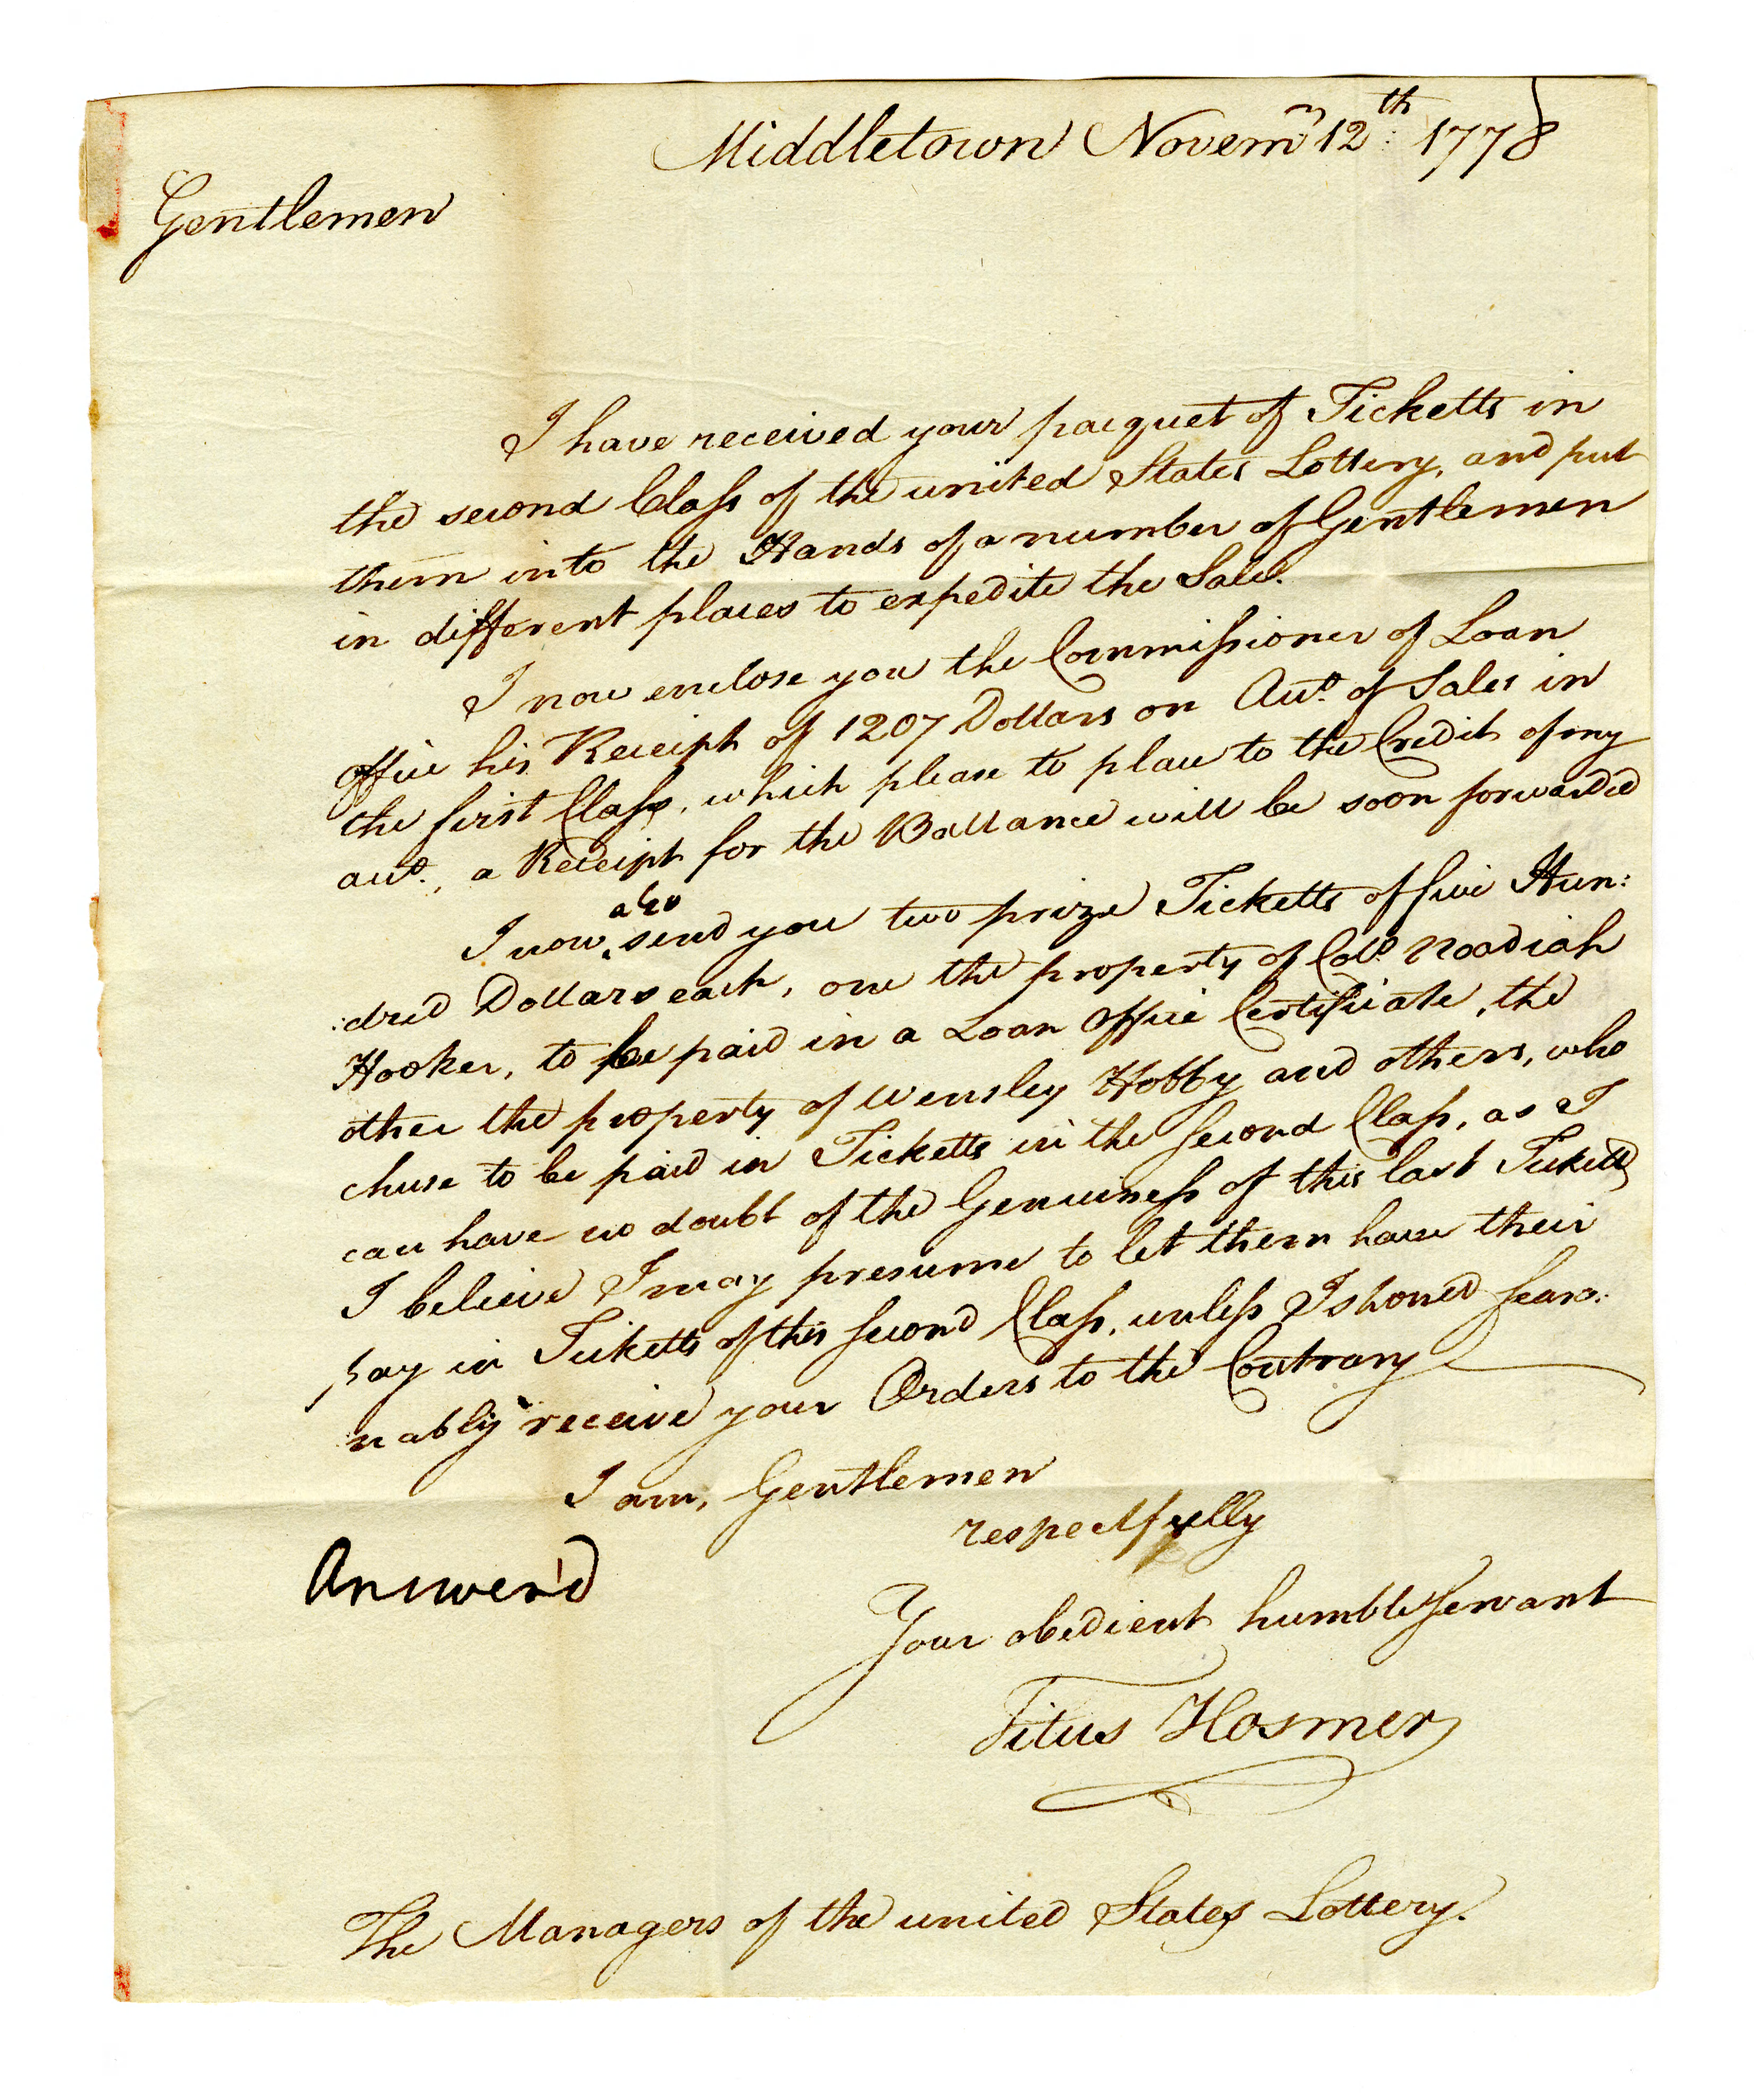Middletown Novem^r. 12^th: 1778
Gentlemen
I have received your request of Ticketts in
the second Class of the United States Lottery, and put
them into the hands of a number of Gentlemen
in different places to expedite the Sales.
I now enclose you the Commissioner of Loan
Office his Receipt of 1207 Dollars on Acc^t. of Sales in
the first Class, which please to place to the Credit of my
acc^t., a Receipt for the Ballance will be soon forwarded
also
I now ^ send you two prize Ticketts of five Hun-
-dred dollars each, on the property of Col^o Noadiah
Hooker, to be paid in a Loan Office Certificate the
other the property of Wensley Hobby and others, who
chuse to be paid in Tickets in the second Class, as I
can have no doubt of the Genuiness of this last Tickett
I believe I may presume to let them have their
pay in Ticketts of this second Class, unless I should sear
re ably receive your Orders to the Contrary
I am, Gentlemen
respectfully
Your obedient humble servant
Titus Hosmer
Answer'd
The Managers of the united States Lottery